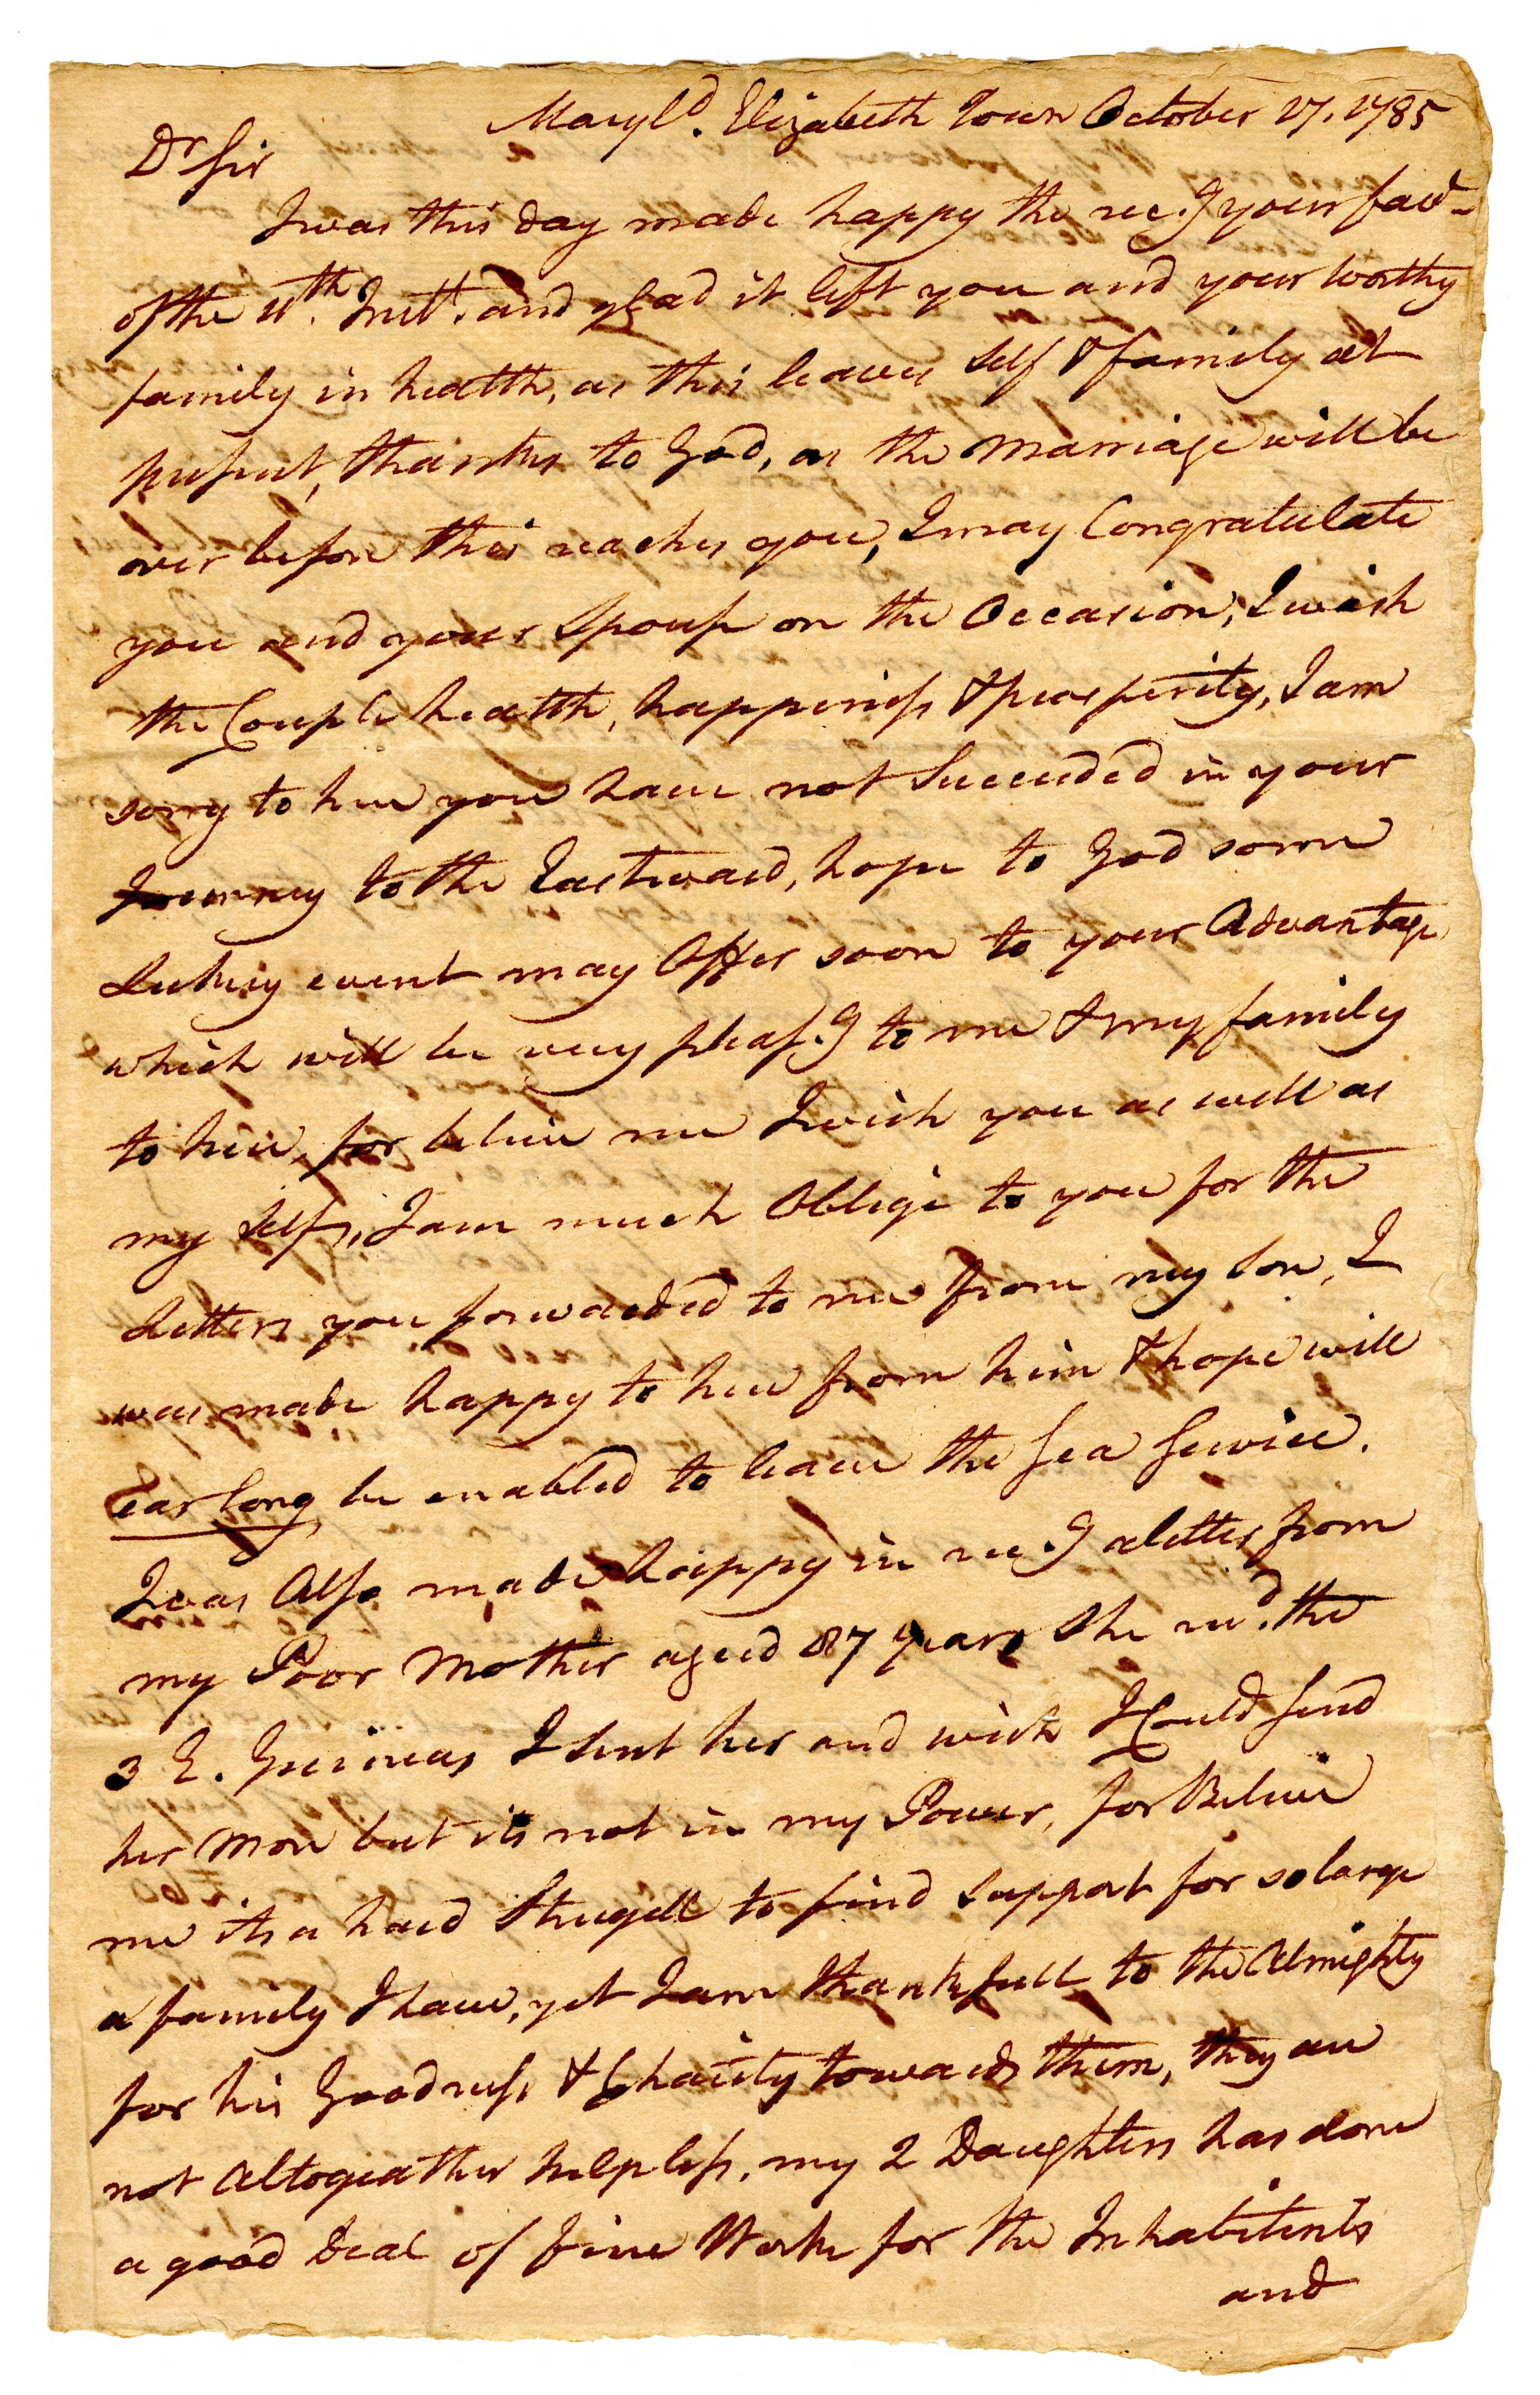Maryl^d. Elizabeth Town October 27. 1785
D^r Sir
I was this day made happy the rec^g your fav^r
of the 11^th Inst^t. and glad it left you and your worthy
family in health, as this leaves self & family at
present, thanks to God, as the Marriage will be
over before this reaches you, I may Congratulate
you and your spouse on the Occasion, I wish
the Couple health, happiness & prosperity, I am
sorry to here yo have not succeeded in your
Journey to the Eastward, hope to God some
Lucky event may Offer soon to your Advantage
which will be very pleas^g. to me & my family
to here for believe me I wish you as well as
my Self I am much oblige to you for the
Letters you forwarded to me from my son, I
was made happy to here from him & hope will
ear long, be enabled to leave the sea service.
I was Also made happy in rec^g. a letter from
my poor mother aged 87 years she rec^d the
3 E. Guineas I sent her and wish I Could send
her more but its not in my Power, for Believe
me its an hard Strugall tor find Support for so large
a family I have, yet I am thankfull to the Almighty
for his Goodness & charity toward them, they are
not Altogether helpless, my 2 Daughters has done
a good Deal of fine Work for the Inhabitants
and